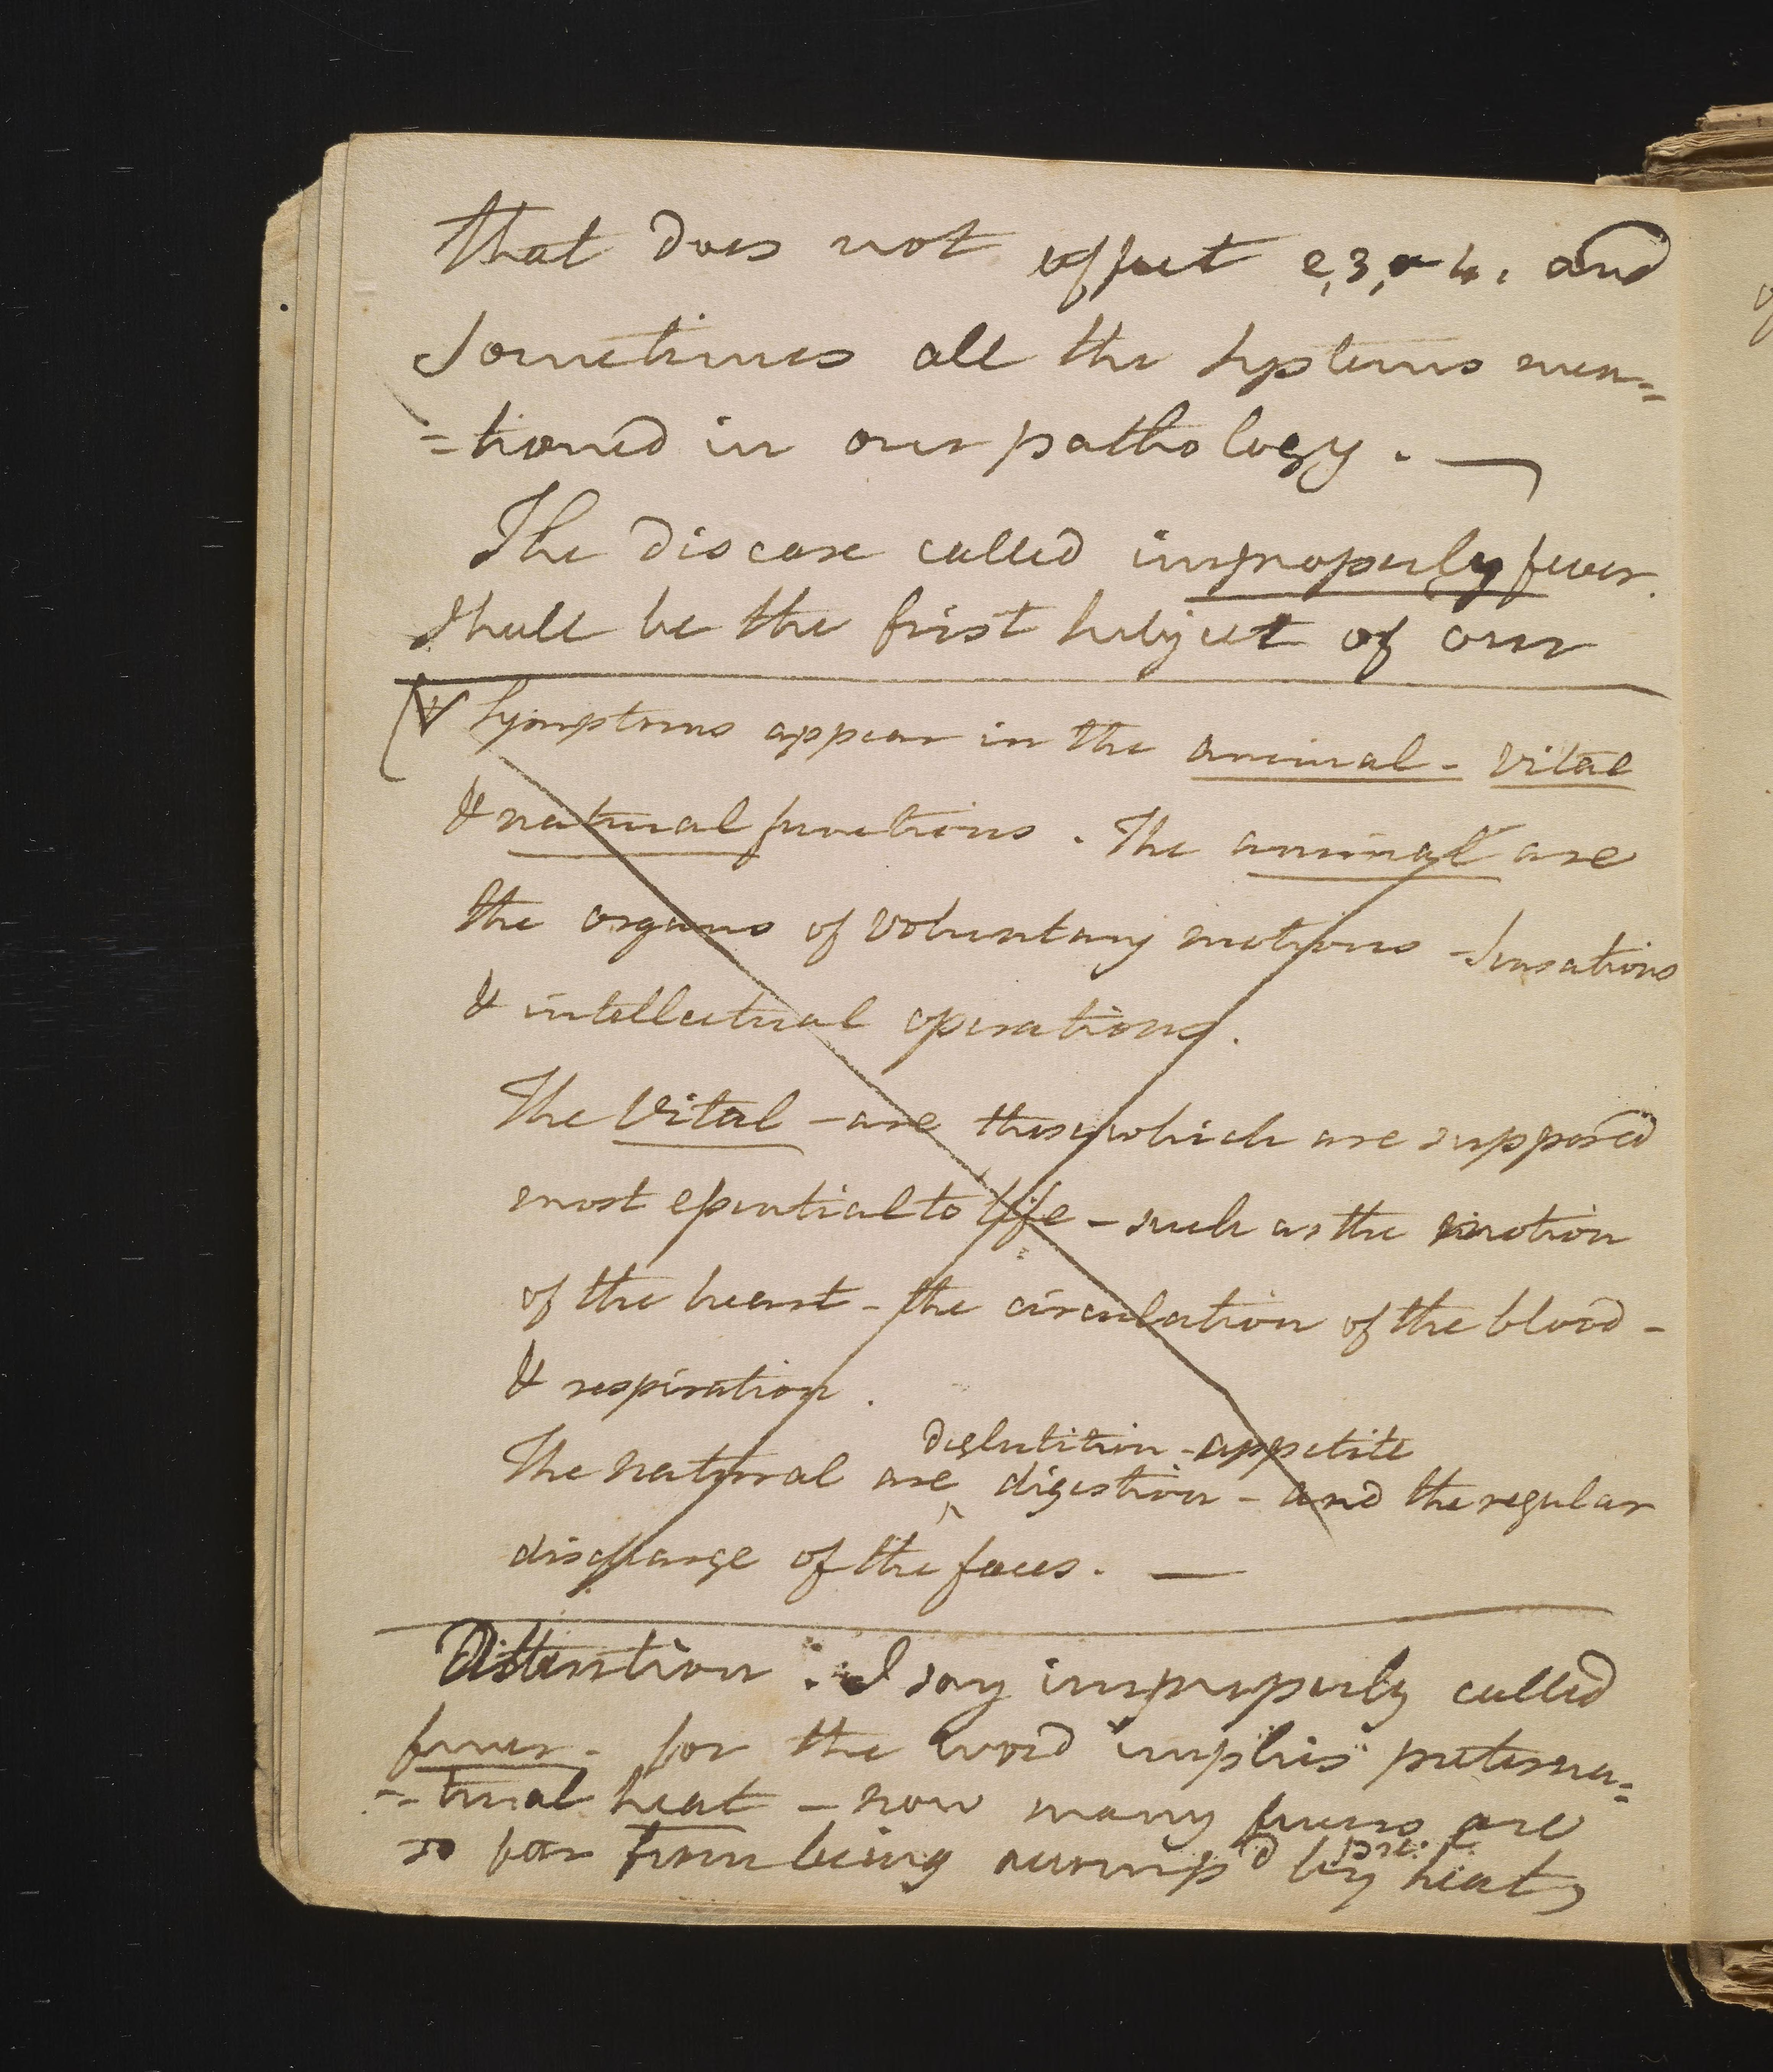that does not effect 2, 3, & 4, and
sometimes all the systems enter-
-tained in our pathology.
The disease called improperly fever
shall be the first subject of our
V Symptoms appear in the animal, vital
& natural formations. The animal are
the organs of voluntary motions, sensations,
& intellectual operations.
The vital, are those which are supposed
most essential to life, such as the motion
of the heart- the circulation of the blood-
& respiration.
dissentrition- appetite
The natural are ^ digestion- and the regular
discharge of the faeces.
Attention: I say improperly called
fever, for the word implies preterna-
-tural heat- now many fevers are
so far from being assessed by heat